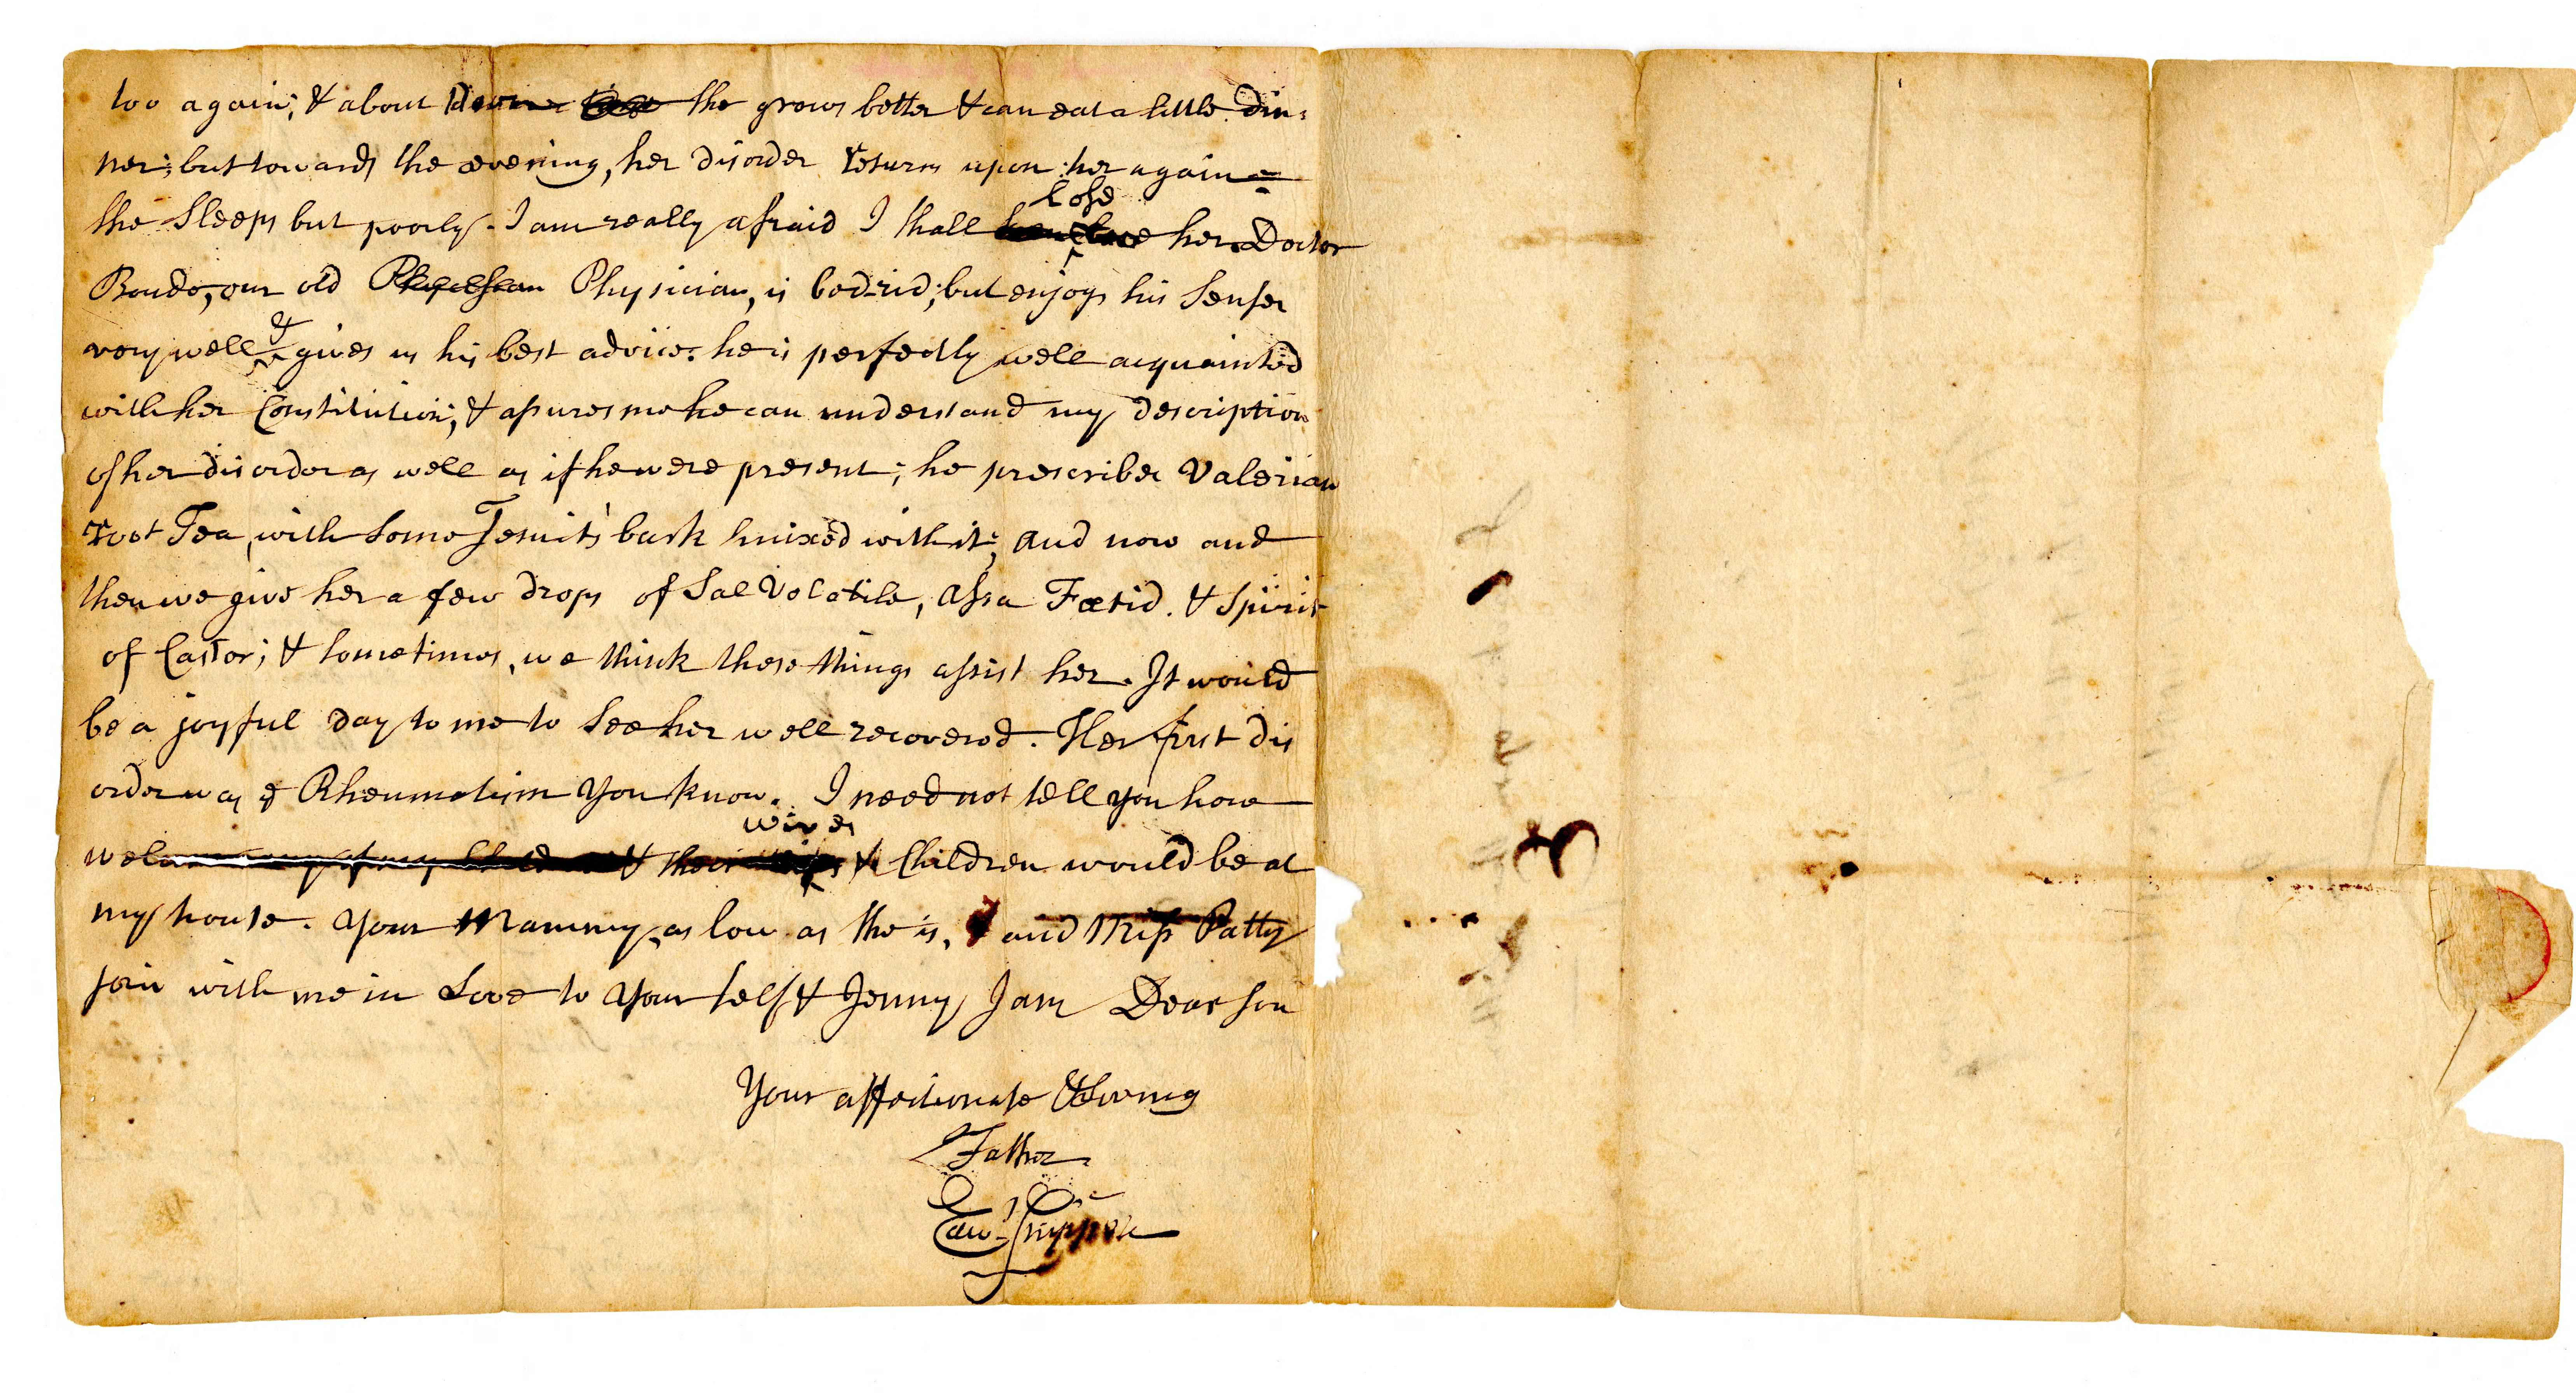too again; & about [____] [___] she grows better & can eat a little din:
ner; but towards the evening, her disorder returns upon her again
she sleeps but poorly. I am really afraid I shall
lose
her Doctor
Boudo, our old [________] Physician is bedrid; but enjoys his senses
very well ^^& gives his best advice. he is perfectly well acquainted
&
with her Constitution, & assures me he can understand my description
of her disorder as well as if he were present; he prescribes Valerian
root Tea, with some Jesuits' bark mixed with it; and now and
then we give her a few drops of Sal Volatile, as a Foetid & Spirit
of Castor; & sometimes, we think those things assist her. It would
be a joyful day to me to see her well recovered. Her first dis
order was y^e Rheumatism You know. I need not tell you how
winds
[__] Children would be al
my house. Your Mammy as low as she is, and Miss Patty
join with me in Love to Your self & Jenny
I am Dear Son
Your affectionate & Loving
Father
Edw. Shippen